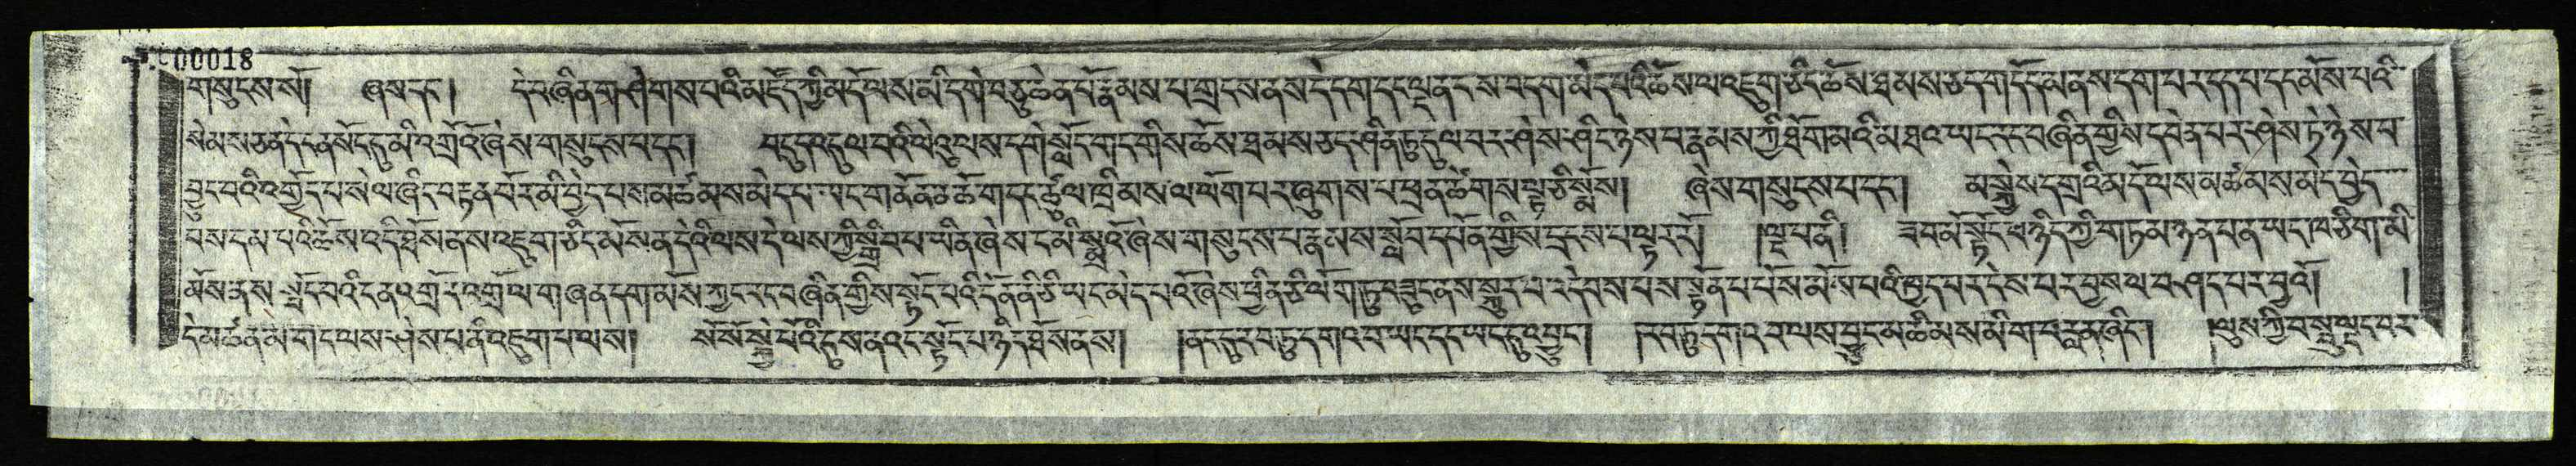གསུངས་སོ། ཞེས་དང་། དེ་བཞིན་གཤེགས་པའི་མཛོད་ཀྱི་མདོ་ལས་མི་དགེ་བཅུ་ཆེན་པོ་རྣམས་པ་གྲངས་ནས་དེ་དག་དང་ལྡན་པས་བདག་མེད་པའི་ཆོས་ལ་འཇུག་ཅིང་ཆོས་ཐམས་ཅད་གདོད་མ་ནས་དག་པར་དད་པ་དང་མོས་པའི་
སེམས་ཅན་དེ་ངན་སོང་དུ་མི་འགྲོའོ་ཞེས་གསུངས་པ་དང་། བདུད་འདུལ་བའི་ལེའུ་ལས་དགེ་སློང་གང་གིས་ཆོས་ཐམས་ཅད་ཤིན་ཏུ་དུལ་བར་ཤེས་ཤིང་ཉེས་པ་རྣམས་ཀྱི་ཐོག་མའི་མཐའ་ཡས་རང་བཞིན་གྱིས་དབེན་པར་ཤེས་ཏེ་ཉེས་པ་
བྱུང་བའི་འགྱོད་པ་སེལ་ཞིང་བརྟན་པོར་མི་བྱེད་པས་མཚམས་མེད་པ་ཡང་གནོན་མཆོག་དང་ཚུལ་ཁྲིམས་ལ་ལོག་པར་ཞུགས་པ་ཕྲན་ཚེགས་ལྟ་ཅི་སྨོས། ཞེས་གསུངས་པ་དང་། མ་སྐྱེས་དགྲའི་མདོ་ལས་མཚམས་མེད་བྱེད་
པས་དམ་པའི་ཆོས་འདི་ཐོས་ནས་འཇུག་ཅིང་མོས་ན་དེའི་ལས་དེ་ལས་ཀྱི་སྒྲིབ་པ་ཡིན་ཞེས་པ་མི་སྨྲའོ་ཞེས་གསུངས་པ་རྣམས་སློབ་དཔོན་གྱིས་དྲངས་པ་ལྟར་རོ། །ལྔ་པ་ནི། ཟབ་མོ་སྟོང་པ་ཉིད་ཀྱི་གཏམ་ཉན་པ་ན་ཡང་ཁ་ཅིག་མི་
མོས་ནས་སྤོང་བའི་ངན་འགྲོར་འགྲོ་ལ་གཞན་དག་མོས་ཀྱང་རང་བཞིན་གྱིས་སྟོང་པའི་དོན་ནི་ཅི་ཡང་མེད་པའོ་ཞེས་ཕྱིན་ཅི་ལོག་ཏུ་བཟུང་ནས་སྐུར་བ་འདེབས་པས་སྟོན་པ་པོས་མོས་པའི་ཁྱད་པར་ངེས་པར་བྱས་ལ་བཤད་པར་བྱའོ། །
དེ་མཚན་མ་གང་ལས་ཤེས་པ་ནི་འཇུག་པ་ལས། སོ་སོ་སྐྱེ་བོའི་དུས་ནའང་སྟོང་པ་ཉིད་ཐོས་ནས། །ནང་དུ་རབ་ཏུ་དགའ་བ་ཡང་དང་ཡང་དུ་འབྱུང་། །རབ་ཏུ་དགའ་བ་ལས་བྱུང་མཆི་མས་མིག་བརླན་ཞིང་། །ལུས་ཀྱི་བ་སྤུ་ལྡང་བར་